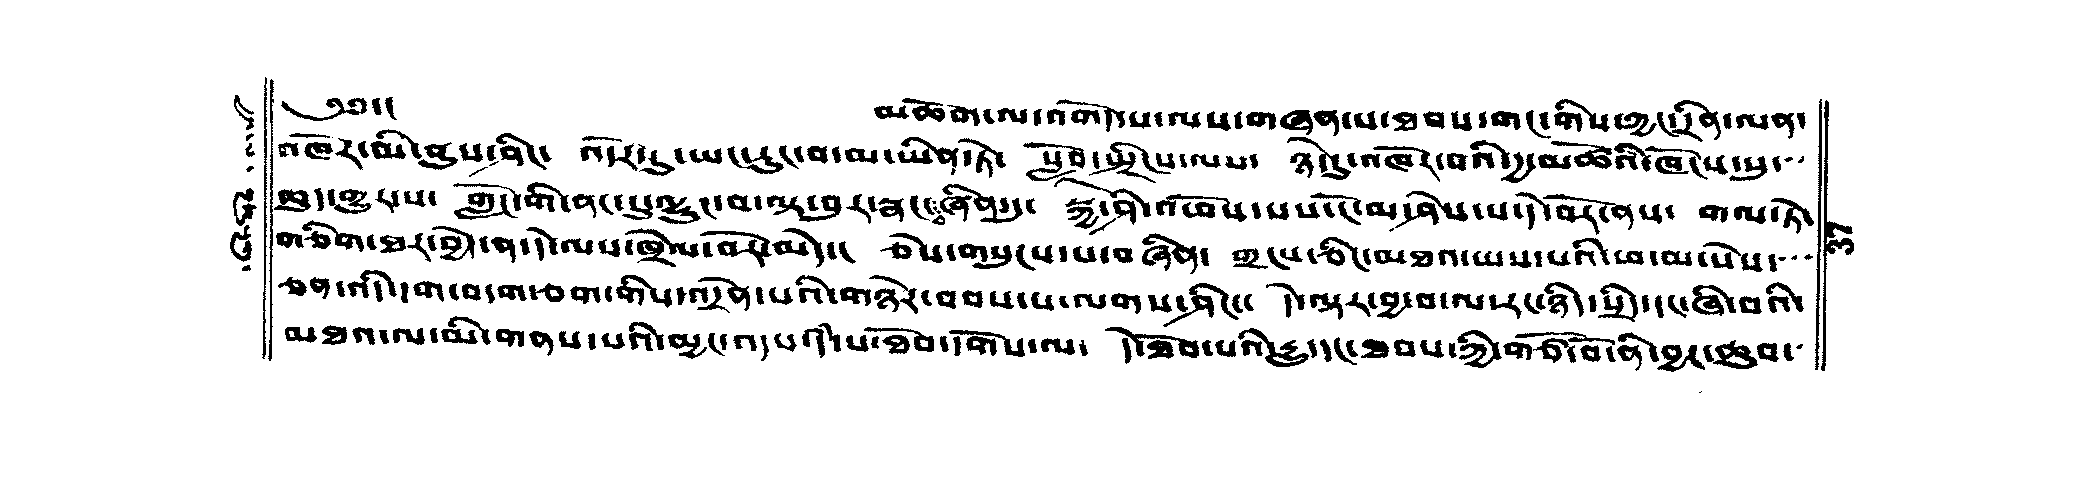མཆོག་ལ་འགོད་པ་ལས་གཞན་པ་ཐབས་གང་གིས་ཀྱང་དྲིན་ལན་
འཁོར་མི་ནུས་ཤིང་། འདོར་དུ་ཡང་རུང་བ་མ་ཡིན་ཏེ། སློབ་སྤྲིངས་ལས། ཉེ་དུ་འཁོར་བའི་རྒྱ་མཚོའི་ཁོངས་སུ་
ཆུད་གྱུར་པ། གློང་གི་ནང་དུ་ལྷུང་བ་ལྟ་བུར་སྣང་བཞིན་དུ། སྐྱེ་ཤི་འཕོས་པས་ངོ་མ་ཤེས་པ་དེ་བོར་ནས། གལ་ཏེ་
གཅིག་ཐར་བྱེད་ན་དེ་ལས་ཁྲེལ་བོར་མེད། ཅེས་གསུངས་པ་བཞིན། གྲངས་ཅིང་མཐའ་ཡས་པའི་ཕ་མ་སེམས་
ཅན་འདི་དག་བདག་ཅག་གིས་འདྲེན་པའི་གཉེར་བབས་པ་ལགས་ཤིང་། དེ་ལྟར་བྱ་བ་ལ་རང་ཉིད་སྲིད་དང་ཞི་བའི་
མཐའ་ལ་མི་གནས་པའི་མྱང་འདས་དམ་པ་ཐོབ་དགོས་ལ། དེ་ཐོབ་པའི་རྒྱུ་དང་ཐབས་ཀྱི་གཙོ་བོ་ནི་བྱང་ཆུབ་